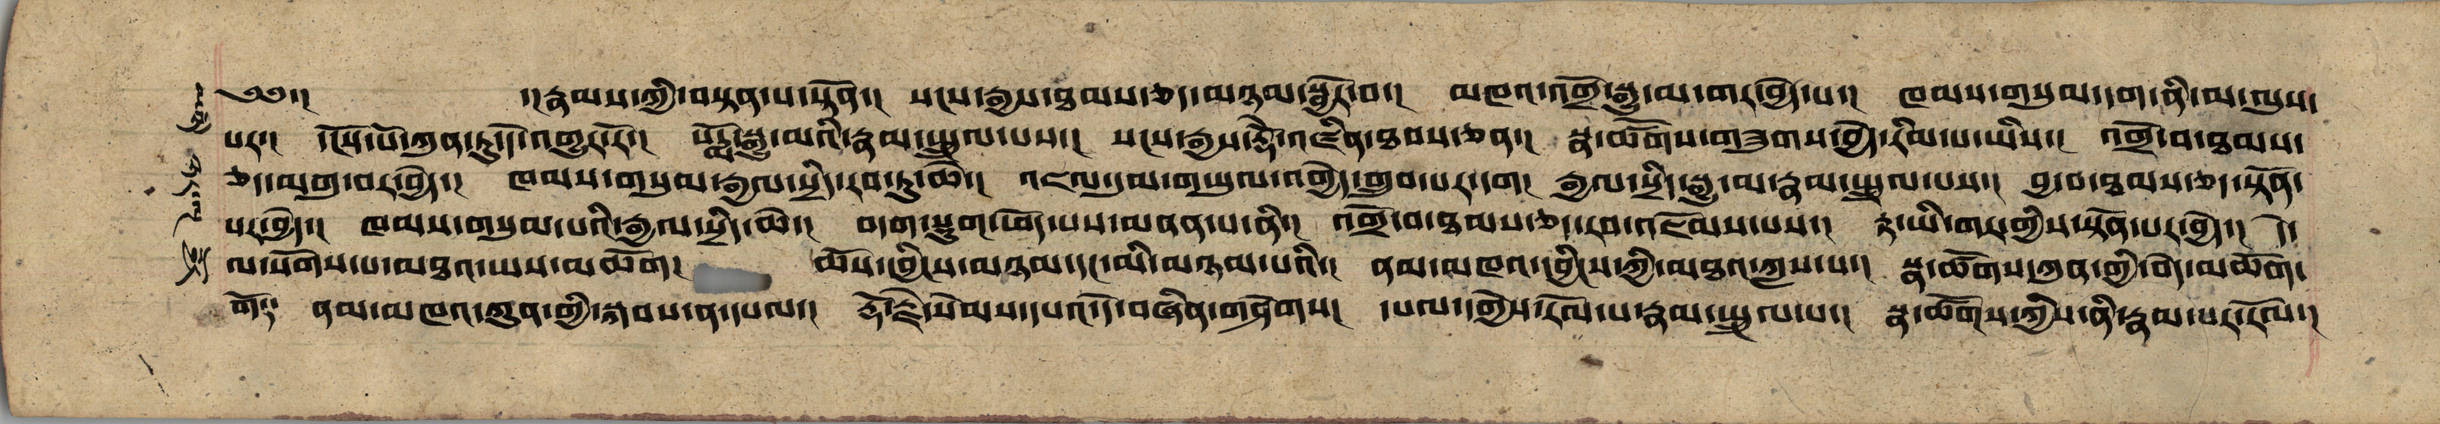༄༅་། ་།རྣམས་ཀྱི་བསྟན་པ་སྟོན་། སངས་རྒྱས་ཐམས་ཅད་མཉམ་སྦྱོར་བ་། མཁའ་འགྲོ་སྒྱུ་མ་གར་བྱེད་པ་། ཁམས་གསུམ་དག་ནི་མ་ལུས་
པར་། དངོས་པོ་ཀུན་ཏུ་དེ་འགྱུར་རོ་། པདྨོ་སྒྱུ་མའི་རྣམ་སྤྲུལ་པས་། སངས་རྒྱས་རྡོེ་འཛིན་ཐབས་ཅན་། སྣ་ཚོགས་གཟུགས་བྱེད་རིམ་པ་ཡིས་། འགྲོ་བ་ཐམས་
ཅད་མགུ་བར་བྱེད་། ཁམས་གསུམ་རྒྱལ་སྲིད་རབ་ཏུ་ཆེ་། འཇལ་དུམ་གཡུལ་འགྱེད་གྲུབ་པར་དག། རྒྱལ་སྲིད་སྒྱུ་མ་རྣམ་སྤྲུལ་པས་། བྱ་བ་ཐམས་ཅད་སྟོན་
པར་བྱེད་། ཁམས་གསུམ་པའི་རྒྱལ་སྲིད་ཆེ་། བདག་སྡུག་ཕོད་པས་མནན་པ་ནི་། འགྲོ་བ་ཐམས་ཅད་རབ་འཇོམས་པས་། རྟ་ཡི་གར་གྱིས་སྟོན་པར་བྱེ་། དེ་
ལ་སོགས་པ་མཐའ་ཡས་མཆོག། ཆོས་དབྱིངས་མཉམདང་མི་མཉམཔའི་། ནམ་མཁའ་དབྱིངས་ཀྱི་མཐའ་ཀླས་པ་། སྣ་ཚོགས་ཀུན་གྱི་བདེ་མཆོག་
གོ༑ ནམ་མཁའ་ཀུན་གྱི་སྐབས་ན་དཔལ་། རྡོ་རྗེ་སེམས་དཔའ་དེ་བཞིན་གཤེགས་། དཔལ་དགྱེས་རོལ་པ་རྣམ་སྤྲུལ་པ་། སྣ་ཚོགས་ཀྱིས་ནི་རྣམ་པར་རོལ་།